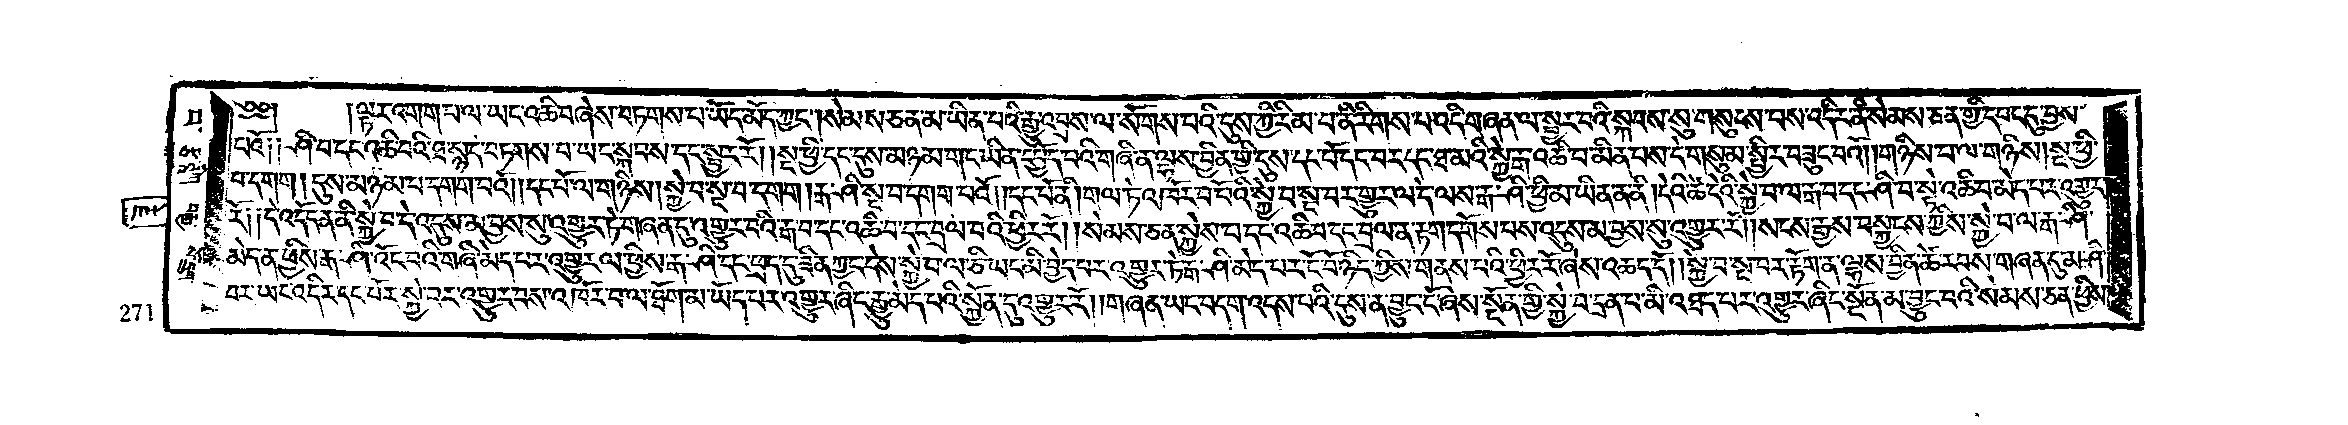༄༅། །ལྟར་འགག་པ་ལ་ཡང་འཆི་བ་ཞེས་བཏགས་པ་ཡོད་མོད་ཀྱང་། སེམས་ཅན་མ་ཡིན་པའི་རྒྱུ་འབྲས་ལ་སོགས་པའི་དུས་ཀྱི་རིམ་པ་ནི་རིགས་པ་འདི་གཞན་ལ་སྦྱར་བའི་སྐབས་སུ་གསུངས་པས་འདིར་ནི་སེམས་ཅན་གྱི་དབང་དུ་བྱས་
པའོ། །ཤི་བ་དང་འཆི་བའི་ཐ་སྙད་བཏགས་པ་ཡང་སྐབས་དང་སྦྱར་རོ། །སྔ་ཕྱི་དང་དུས་མཉམ་གང་ཡིན་དཔྱོད་པའི་གཞི་ན་ལྷས་བྱིན་གྱི་དུས་དང་པོ་དང་བར་དང་ཐ་མའི་སྐྱེ་རྒ་འཆི་བ་མིན་པས་དེ་གསུམ་སྤྱིར་བཟུང་བའོ། །གཉིས་པ་ལ་གཉིས། སྔ་ཕྱི་
པ་དགག །དུས་མཉམ་པ་དགག་པའོ། །དང་པོ་ལ་གཉིས། སྐྱེ་བ་སྔ་བ་དགག །རྒ་ཤི་སྔ་བ་དགག་པའོ། །དང་པོ་ནི། གལ་ཏེ་འཁོར་པ་པོའི་སྐྱེ་བ་སྔ་བར་གྱུར་ལ་དེ་ལས་རྒ་ཤི་ཕྱི་མ་ཡིན་ན་ནི། དེའི་ཚེ་དེའི་སྐྱེ་བ་ལ་རྒ་བ་དང་ཤི་བ་སྟེ་འཆི་བ་མེད་པར་འགྱུར་
རོ། །དེ་འདོད་ན་ནི་སྐྱེ་བ་དེ་འདུས་མ་བྱས་སུ་འགྱུར་ཏེ་གཞན་དུ་འགྱུར་བའི་རྒ་བ་དང་འཆི་བ་དང་བྲལ་བའི་ཕྱིར་རོ། །སེམས་ཅན་སྐྱེས་པ་དང་འཆི་བ་དང་བྲལ་ན་རྟག་དགོས་པས་འདུས་མ་བྱས་སུ་འགྱུར་རོ། །སངས་རྒྱས་བསྐྱངས་ཀྱིས་སྐྱེ་བ་ལ་རྒ་ཤི་
མེད་ན་ཕྱིས་རྒ་ཤི་འོང་བའི་གཞི་མེད་པར་འགྱུར་ལ་ཕྱིས་རྒ་ཤི་དང་ཕྲད་དུ་ཟིན་ཀྱང་དེས་སྐྱེ་བ་ལ་ཅི་ཡང་མི་བྱེད་པར་འགྱུར་ཏེ་རྒ་ཤི་མེད་པར་ངོ་བོ་ཉིད་ཀྱིས་གནས་པའི་ཕྱིར་རོ་ཞེས་འཆད་དོ། །སྐྱེ་བ་སྔ་བར་རྟོག་ན་ལྷས་བྱིན་ཚེ་རབས་གཞན་དུ་མ་ཤི་
བར་ཡང་འདིར་དང་པོར་སྐྱེ་བར་འགྱུར་བས་འཁོར་བ་ལ་ཐོག་མ་ཡོད་པར་འགྱུར་ཞིང་རྒྱུ་མེད་པའི་སྐྱོན་དུ་འགྱུར་རོ། །གཞན་ཡང་བདག་འདས་པའི་དུས་ན་བྱུང་ངོ་ཞེས་སྔོན་གྱི་སྐྱེ་བ་དྲན་པ་མི་འཐད་པར་འགྱུར་ཞིང་སྔོན་མ་བྱུང་བའི་སེམས་ཅན་ཕྱིས་